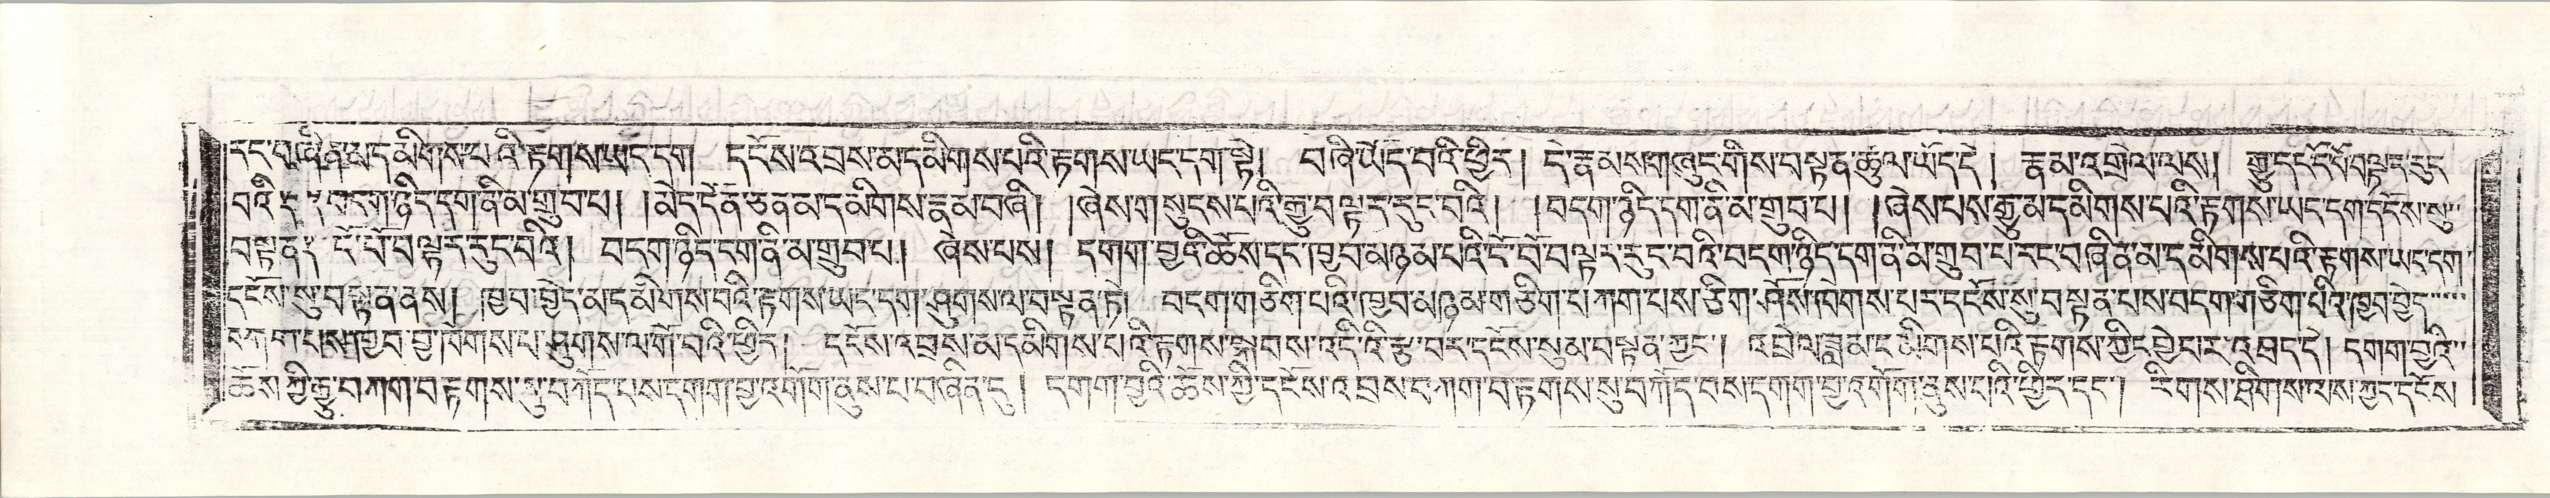རང་བཞིན་མ་དམིགས་པའི་རྟགས་ཡང་དག །དངོས་འབྲས་མ་དམིགས་པའི་རྟགས་ཡང་དག་སྟེ། བཞི་ཡོད་པའི་ཕྱིར། དེ་རྣམས་གཞུང་གིས་བསྟན་ཚུལ་ཡོད་དེ། རྣམ་འགྲེལ་ལས། རྒྱུ་དང་ངོ་བོ་བལྟར་རུང་
བའི། །བདག་ཉིད་དག་ནི་མ་གྲུབ་པ། །མེད་དོན་ཅན་མི་དམིགས་རྣམ་བཞི། །ཞེས་གསུངས་པའི་རྒྱུ་བལྟར་རུང་བའི། །བདག་ཉིད་དག་ནི་མ་གྲུབ་པ། །ཞེས་པས་རྒྱུ་མ་དམིགས་པའི་རྟགས་ཡང་དག་དངོས་སུ་
བསྟན། ངོ་བོ་བལྟར་རུང་བའི། བདག་ཉིད་དག་ནི་མ་གྲུབ་པ། ཞེས་པས། དགག་བྱའི་ཆོས་དང་ཁྱབ་མཉམ་པའི་ངོ་བོ་བལྟར་རུང་བའི་བདག་ཉིད་དག་ནི་མ་གྲུབ་པ་རང་བཞིན་མ་དམིགས་པའི་རྟགས་ཡང་དག་
དངོས་སུ་བསྟན་ནས། ཁྱབ་བྱེད་མ་དམིགས་པའི་རྟགས་ཡང་དག་ཤུགས་ལ་བསྟན་ཏེ། བདག་གཅིག་པའི་ཁྱབ་མཉམ་གཅིག་པ་བཀག་པས་ཅིག་ཤོས་ཁེགས་པར་དངོས་སུ་བསྟན་པས་བདག་གཅིག་པའི་ཁྱབ་བྱེད་
བཀག་པས་ཁྱབ་བྱ་ཁེགས་པ་ཤུགས་ལ་གོ་བའི་ཕྱིར། དངོས་འབྲས་མ་དམིགས་པའི་རྟགས་སྐབས་འདིའི་རྩ་བར་དངོས་སུ་མ་བསྟན་ཀྱང་། འབྲེལ་ཟླ་མ་དམིགས་པའི་རྟགས་ཀྱི་དབྱེ་བར་འཐད་དེ། དགག་བྱའི་
ཆོས་ཀྱི་རྒྱུ་བཀག་པ་རྟགས་སུ་བཀོད་པས་དགག་བྱ་འགོག་ནུས་པ་བཞིན་དུ། དགག་བྱའི་ཆོས་ཀྱི་དངོས་འབྲས་བཀག་པ་རྟགས་སུ་བཀོད་པས་དགག་བྱ་འགོག་ནུས་པའི་ཕྱིར་དང་། རིགས་ཐིགས་ལས་ཀྱང་དངོས་